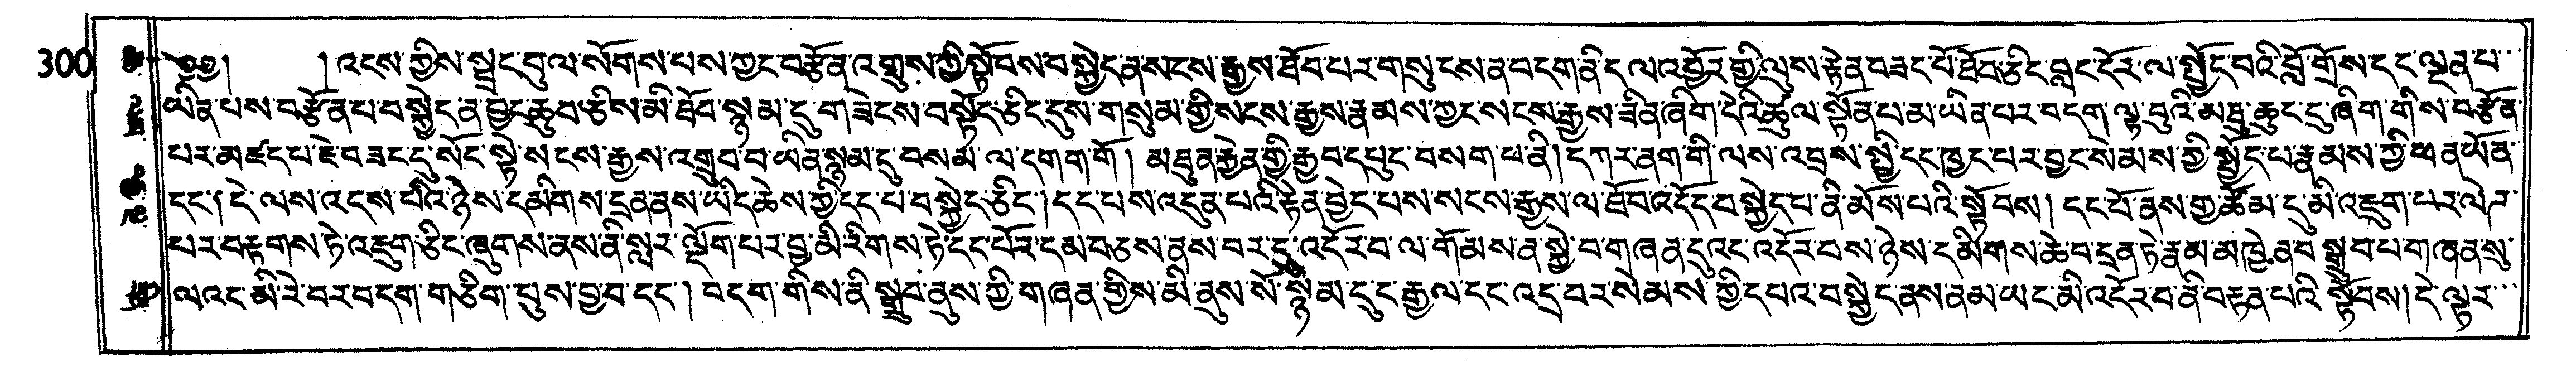༄༅། །འདས་ཀྱིས་སྦྲང་བུ་ལ་སོགས་པས་ཀྱང་བརྩོན་འགྲུས་ཀྱི་སྟོབས་བསྐྱེད་ན་སངས་རྒྱས་ཐོབ་པར་གསུངས་ན་བདག་ནི་དལ་འབྱོར་གྱི་ལུས་རྟེན་བཟང་པོ་ཐོབ་ཅིང་བླང་དོར་ལ་སྤྱོད་པའི་བློ་གྲོས་དང་ལྡན་པ་
ཡིན་པས་བརྩོན་པ་བསྐྱེད་ན་བྱང་ཆུབ་ཅིས་མི་ཐོབ་སྙམ་དུ་གཟེངས་བསྟོད་ཅིང་དུས་གསུམ་གྱི་སངས་རྒྱས་རྣམས་ཀྱང་སངས་རྒྱས་ཟིན་ཞིག་དེའི་ཚུལ་སྟོན་པ་མ་ཡིན་པར་བདག་ལྟ་བུའི་མཐུ་ཆུང་དུ་ཞིག་གིས་བརྩོན་
པར་མཛད་པ་ཇེ་བཟང་དུ་སོང་སྟེ་སངས་རྒྱས་འགྲུབ་པ་ཡིན་སྙམ་དུ་བསམ་ལ་དགག་གོ། མཐུན་རྐྱེན་གྱི་རྒྱབ་དཔུང་བསག་པ་ནི། དཀར་ནག་གི་ལས་འབྲས་སྤྱི་དང་ཁྱད་པར་བྱང་སེམས་ཀྱི་སྤྱོད་པ་རྣམས་ཀྱི་ཕན་ཡོན་
དང༑ དེ་ལས་འདས་པའི་ཉེས་དམིགས་དྲན་ནས་ཡིད་ཆེས་ཀྱི་དད་པ་བསྐྱེད་ཅིང་། དང་པས་འདུན་པའི་རྟེན་བྱེད་པས་སངས་རྒྱས་ལ་ཐོབ་འདོད་བསྐྱེད་པ་ནི་མོས་པའི་སྟོབས། དང་པོ་ནས་གྱ་ཚོམ་དུ་མི་འཇུག་པར་ལེགས་
པར་བརྟགས་ཏེ་འཇུག་ཅིང་ཞུགས་ནས་ནི་སླར་ལྡོག་པར་བྱ་མི་རིགས་ཏེ་དང་པོར་དམ་བཅས་ནས་བར་དུ་འདོར་བ་ལ་གོམས་ན་སྐྱེ་བ་གཞན་དུའང་འདོར་བས་ཉེས་དམིགས་ཆེ་བ་དྲན་ཏེ་རྣམ་མཁྱེན་བསྒྲུབ་པ་གཞན་སུ་
ལའང་མི་རེ་བར་བདག་གཅིག་པུས་བྱ་བ་དང་། བདག་གིས་ནི་སྒྲུབ་ནུས་ཀྱི་གཞན་གྱིས་མི་ནུས་སོ་སྙམ་དུ་ང་རྒྱལ་དང་འདྲ་བར་སེམས་ཀྱི་དཔའ་བསྐྱེད་ནས་ནམ་ཡང་མི་འདོར་བ་ནི་བརྟན་པའི་སྟོབས། དེ་ལྟར་